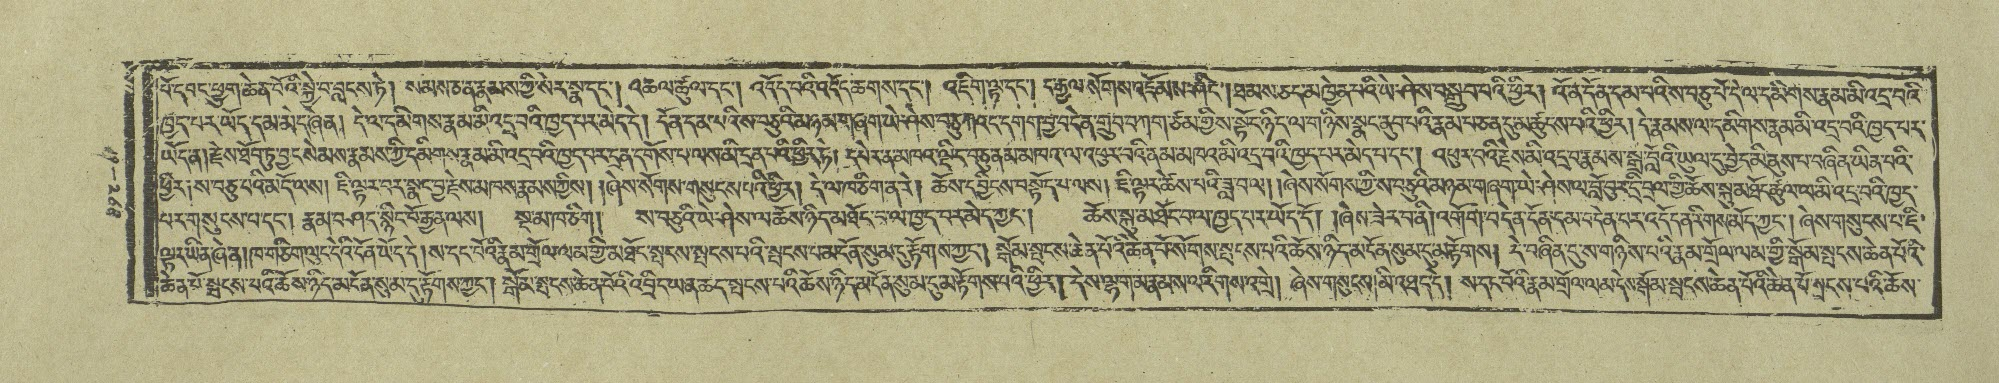པོ་དབང་ཕྱུག་ཆེན་པོའི་སྐྱེ་བ་བླངས་ཏེ། སེམས་ཅན་རྣམས་ཀྱི་སེར་སྣ་དང་། འཆལ་ཚུལ་དང་། འདོད་པའི་འདོད་ཆགས་དང་། འཇིག་ལྟ་དང་། ང་རྒྱལ་སོགས་འཇོམས་ཤིང་། ཐམས་ཅད་མཁྱེན་པའི་ཡེ་ཤེས་བསྒྲུབ་པའི་ཕྱིར། འོ་ན་དོན་དམ་པའི་ས་བཅུ་པོ་དེ་ལ་དམིགས་རྣམ་མི་འདྲ་བའི་
ཁྱད་པར་ཡོད་དམ་མེད་ཞེ་ན། དེ་ལ་དམིགས་རྣམ་མི་འདྲ་བའི་ཁྱད་པར་མེད་དེ། དོན་དམ་པའི་ས་བཅུའི་མཉམ་གཞག་ཡེ་ཤེས་བཅུ་ཀའང་དགག་བྱ་བདན་གྲུབ་བཀག་ཙམ་གྱིས་སྟོང་ཉིད་ལ་གཉིས་སྣང་ནུབ་པའི་རྣམ་པ་ཅན་དུ་མཚུངས་བའི་ཕྱིར། དེ་རྣམས་ལ་དམིགས་རྣམ་མི་འདྲ་བའི་ཁྱད་པར་
ཡོད་ན། རྗེས་ཐོབ་ཏུ་བྱང་སེམས་རྣམས་ཀྱི་དམིགས་རྣམ་མི་འདྲ་བའི་ཁྱད་པར་དྲན་དགོས་པ་ལས་མི་དྲན་པའི་ཕྱིར་ཏེ། དཔེར་ན་མཁའ་ལྡིང་བཅུ་ནམ་མཁའ་ལ་འཕུར་བའི་ནམ་མཁའ་མི་འདྲ་བའི་ཁྱད་པར་མེད་པ་དང་། འཕུར་བའི་རྗེས་མི་འདྲ་བ་རྣམས་སྒྲ་བློའི་ཡུལ་དུ་བྱེད་མི་ནུས་པ་བཞིན་ཡིན་པའི་
ཕྱིར། ས་བཅུ་པའི་མདོ་ལས། ཇི་ལྟར་བར་སྣང་བྱ་རྗེས་མཁས་རྣམས་ཀྱིས། །ཞེས་སོགས་གསུངས་པའི་ཕྱིར། དེ་ལ་ཁ་ཅིག་ན་རེ། ཆོས་དབྱིངས་བསྟོད་པ་ལས། ཇི་ལྟར་ཚེས་པའི་ཟླ་བ་ལ། །ཞེས་སོགས་ཀྱི་ས་བཅུའི་མཉམ་གཞག་ཡེ་ཤེས་ལ་བློ་བུར་དྲི་བྲལ་གྱི་ཆོས་སྐུ་མཐོང་ཚུལ་ལ་མི་འདྲ་བའི་ཁྱད་
པར་གསུངས་བ་དང་། རྣམ་བཤད་སྙིང་པོ་རྒྱན་ལས། སྔ་མ་ཁ་ཅིག། ས་བཅུའི་ཡེ་ཤེས་ལ་ཆོས་ཉིད་མཐོང་བ་ལ་ཁྱད་པར་མེད་ཀྱང་། ཆོས་སྐུ་མཐོང་བ་ལ་ཁྱད་པར་ཡོད་དོ། །ཞེས་ཟེར་བ་ནི། འགོག་བདེན་དོན་དམ་བདེན་པར་འདོད་ན་རིགས་མོད་ཀྱང་། ཞེས་གསུངས་པ་ཇི་
ལྟར་ཡིན་ཞེ་ན། ཁ་ཅིག་ལུང་དེའི་དོན་ཡོད་དེ། ས་དང་པོའི་རྣམ་གྲོལ་ལམ་གྱི་མཐོང་སྤངས་སྤངས་པའི་སྤངས་པ་མངོན་སུམ་དུ་རྟོགས་ཀྱང་། སྒོམ་སྤངས་ཆེན་པོའི་ཆེན་པོ་སོགས་སྤངས་པའི་ཆོས་ཉིད་མངོན་སུམ་དུ་མ་རྟོགས། དེ་བཞིན་དུ་ས་གཉིས་པའི་རྣམ་གྲོལ་ལམ་གྱི་སྒོམ་སྤངས་ཆེན་པོའི་
ཆེན་པོ་སྤངས་པའི་ཆོས་ཉིད་མངོན་སུམ་དུ་རྟོགས་ཀྱང་། སྒོམ་སྤངས་ཆེན་པོའི་འབྲིང་ཡན་ཆད་སྤངས་པའི་ཆོས་ཉིད་མངོན་སུམ་དུ་མ་རྟོགས་པའི་ཕྱིར། དེས་ལྷག་མ་རྣམས་ལ་རིགས་འགྲེ། ཞེས་གསུངས། མི་འཐད་དེ། ས་དང་པོའི་རྣམ་གྲོལ་ལམ་དེས་སྒོམ་སྤངས་ཆེན་པོའི་ཆེན་པོ་སྤངས་པའི་ཆོས་